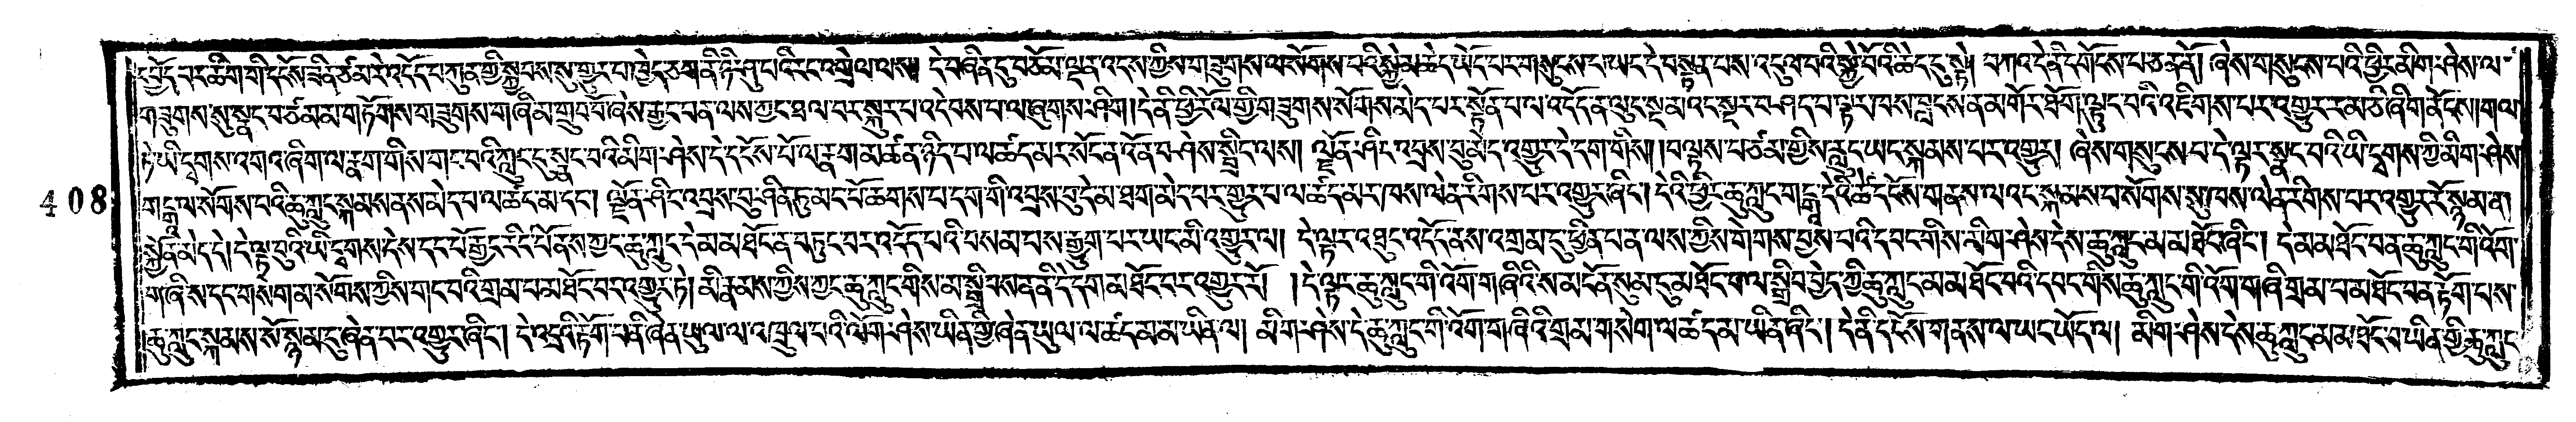དཔྱོད་བར་ཚིག་གི་དངོས་ཟིན་ཙམ་རེ་འདོད་པ་ཀུན་གྱི་སྐྱབས་སུ་གྱུར་པ་ཁྱེད་ཅག་ནི་ཉི་ཤུ་པའི་རང་འགྲེལ་ལས། དེ་བཞིན་དུ་བཅོམ་ལྡན་འདས་ཀྱིས་གཟུགས་ལ་སོགས་པའི་སྐྱེ་མཆེད་ཡོད་པར་གསུངས་པ་ཡང་དེ་བསྟན་པས་འདུལ་བའི་སྐྱེ་བོའི་ཆེད་དུ་སྟེ། བཀའ་དེ་ནི་དགོངས་པ་ཅན་ནོ། ཞེས་གསུངས་པའི་ཕྱིར་མིག་ཤེས་ལ་
གཟུགས་སུ་སྣང་བ་ཙམ་མ་གཏོགས་གཟུགས་གཞི་མ་གྲུབ་བོ་ཞེས་རྒྱང་བན་ལས་ཀྱང་ཐལ་བར་སྐུར་པ་འདེབས་པ་ལ་ཞུགས་ཤིག །དེ་ནི་ཕྱི་རོལ་གྱི་གཟུགས་སོགས་མེད་པར་སྟོན་པ་ལ་འདོད་ན་ལུང་སྔ་མའང་སྔར་བཤད་པ་ལྟར་ཁས་བླངས་ན་མགོར་ཐོག་ལྟུང་བའི་འཇིགས་པར་འགྱུར་རམ་ཅི་ཞིག་ནོངས། གལ་
ཏེ་ཡི་དྭགས་འགའ་ཞིག་ལ་རྣག་གིས་གང་བའི་ཀླུང་དུ་སྣང་བའི་མིག་ཤེས་དེ་དངོས་པོ་ལ་རྣག་མཚན་ཉིད་པ་ལ་ཚད་མར་སོང་ན་འོ་ན་བཤེས་སྦྲིང་ལས། ལྗོན་ཤིང་འབྲས་བུ་མེད་འགྱུར་དེ་དག་གིས། །བལྟས་པ་ཙམ་གྱིས་རླུང་ཡང་སྐམས་པར་འགྱུར། ཞེས་གསུངས་པ་དེ་ལྟར་སྣང་བའི་ཡི་དྭགས་ཀྱི་མིག་ཤེས་
གངྒཱ་ལ་སོགས་པའི་ཆུ་ཀླུང་སྐམས་ནས་མེད་བ་ལ་ཚད་མ་དང་། ལྗོན་ཤིང་འབྲས་བུ་ཤིན་ཏུ་མང་པོ་ཆགས་པ་དག་གི་འབྲས་བུ་དེ་མ་ཐག་མེད་པར་འགྱུར་པ་ལ་ཚད་མར་ཁས་ལེན་རིགས་པར་འགྱུར་ཞིང་། དེའི་ཕྱིར་ཆུ་ཀླུང་གངྒཱ་དེའི་ཚེ་དངོས་གནས་ལའང་སྐམས་པ་སོགས་སུ་ཁས་ལེན་རིགས་པར་འགྱུར་རོ་སྙམ་ན།
སྐྱོན་མེད་དེ། དེ་ལྟ་བུའི་ཡི་དྭགས་དེས་དང་པོ་རྒྱང་རིང་པོ་ནས་ཀྱང་ཆུ་ཀླུང་དེ་མ་མཐོང་ན་བཏུང་བར་འདོད་པའི་བསམ་པས་རྒྱུག་པར་ཡང་མི་འགྱུར་ལ། དེ་ལྟར་འཐུང་འདོད་ནས་འགྲམ་དུ་ཕྱིན་པ་ན་ལས་ཀྱིས་གེགས་བྱས་པའི་དབང་གིས་མིག་ཤེས་དེས་ཆུ་ཀླུང་མ་མཐོང་ཞིང་། དེ་མ་མཐོང་བ་ན་ཆུ་ཀླུང་གི་འོག་
གཞི་ས་དང་གསེག་མ་སོགས་ཀྱིས་གང་བའི་གྲམ་བ་མཐོང་བར་འགྱུར་ཏེ། མི་རྣམས་ཀྱིས་ཀྱང་ཆུ་ཀླུང་གིས་མ་སྒྲིབས་ན་ནི་དེ་དག་མཐོང་བར་འགྱུར་རོ། །དེ་ལྟར་ཆུ་ཀླུང་གི་འོག་གཞིའི་ས་མངོན་སུམ་དུ་མཐོང་བ་ལ་སྒྲིབ་བྱེད་ཀྱི་ཆུ་ཀླུང་མ་མཐོང་བའི་དབང་གིས་ཆུ་ཀླུང་གི་འོག་གཞི་གྲམ་པ་མཐོང་བ་ན་རྟོག་པས་
ཆུ་ཀླུང་སྐམས་སོ་སྙམ་དུ་ཞེན་པར་འགྱུར་ཞིང་། དེ་འདྲའི་རྟོག་པ་ནི་ཞེན་ཡུལ་ལ་འཁྲུལ་པའི་ལོག་ཤེས་ཡིན་གྱི་ཞེན་ཡུལ་ལ་ཚད་མ་མ་ཡིན་ལ། མིག་ཤེས་དེ་ཆུ་ཀླུང་གི་འོག་གཞིའི་གྲམ་གསེག་ལ་ཚད་མ་ཡིན་ཞིང་། དེ་ནི་དངོས་གནས་ལ་ཡང་ཡོད་ལ། མིག་ཤེས་དེས་ཆུ་ཀླུང་མ་མཐོང་བ་ཡིན་གྱི་ཆུ་ཀླུང་